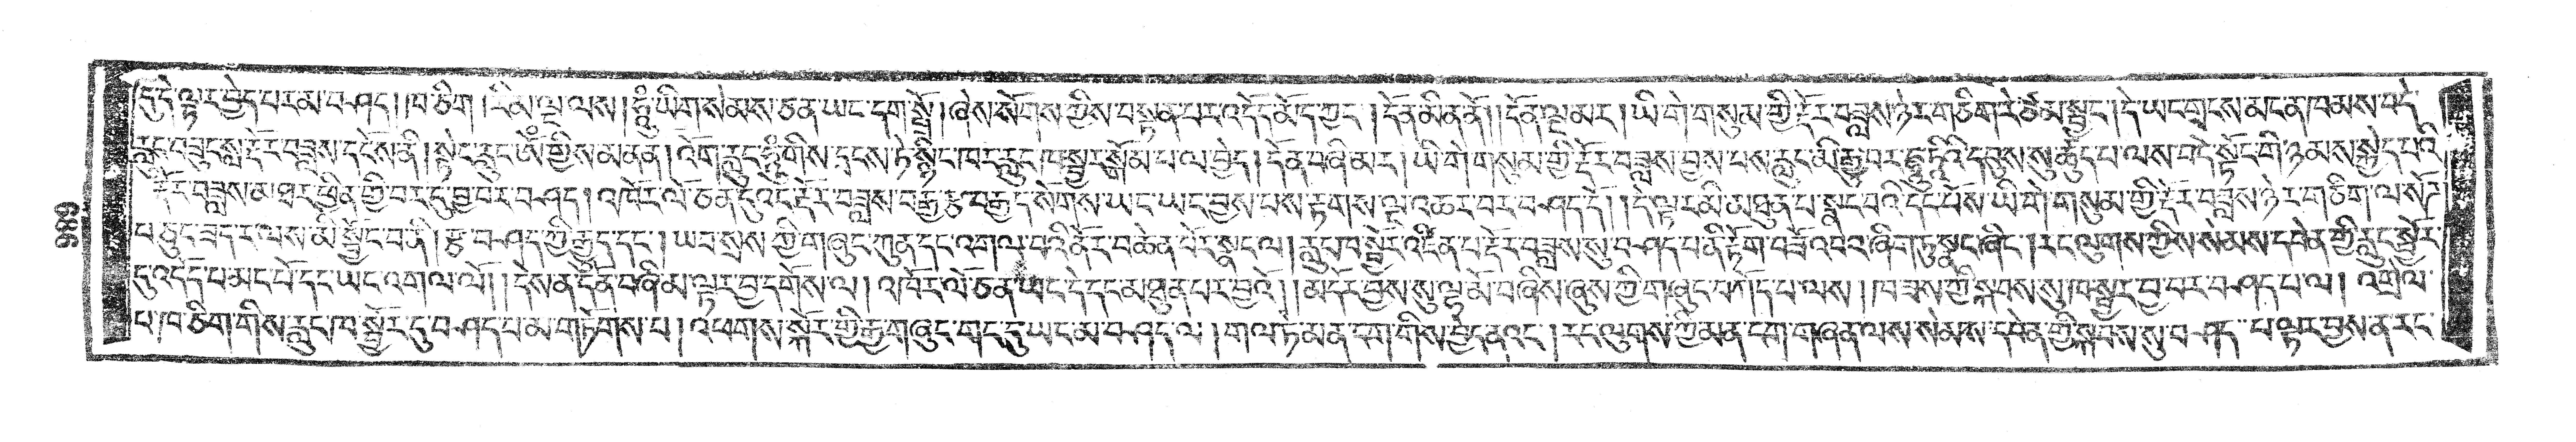དུ་དེ་ལྟར་བྱེད་པར་མ་བཤད། ཁ་ཅིག །རིམ་ལྔ་ལས། ཧཱུཾ་ཡིག་སེམས་ཅན་ཡང་དག་སྤྲོ། ཞེས་སོགས་ཀྱིས་བསྟན་པར་འདོད་མོད་ཀྱང་། དོན་མིན་ནོ། །དོན་ལྔ་མར། ཡི་གེ་གསུམ་གྱི་རྡོར་བཟླས་ཉེར་གཅིག་རེ་ཙམ་སྦྱང་། དེ་ཡང་གྲངས་མང་ན་ཁམས་བདེ་
རླུང་བཟུང་སླ་རྡོར་བཟླས་དངོས་ནི། སྟེང་རླུང་ཨོཾ་གྱིས་མནན། འོག་རླུང་ཧཱུཾ་གིས་དྲངས་ཏེ་སྙིང་ཁར་རླུང་ཁ་སྦྱར་སྒོམ་པ་ལ་བྱེད། དོན་བཞི་མར། ཡི་གེ་གསུམ་གྱི་རྡོར་བཟླས་བྱས་པས་རླུང་མི་རྒྱུ་བར་དྷཱུ་ཏཱིའི་དབུས་སུ་ཚུད་པ་ལས་བདེ་སྟོང་གི་ཉམས་སྐྱེད་པའི་
རྡོར་བཟླས་མཐར་ཕྱིན་གྱི་བར་དུ་བྱ་བར་བཤད། འཁོར་ལོ་ཅན་དུའང་རྡོར་བཟླས་བརྒྱ་རྩ་བརྒྱད་སོགས་ཡང་ཡང་བྱས་པས་རྟགས་ལྔ་འཆར་བར་བཤད་དོ། །དེ་ལྟར་མི་མཐུན་པ་སྣང་བའི་དང་པོས་ཡི་གེ་གསུམ་གྱི་རྡོར་བཟླས་ཉེར་གཅིག་ལ་སོགས་
པ་ཅུང་ཟད་ར་ལས་མི་སྦྱོང་བ་ནི། རྩ་བཤད་ཀྱི་རྒྱུད་དང་། ཡབ་སྲས་ཀྱི་གཞུང་ཀུན་དང་འགལ་བའི་ནོར་བ་ཆེན་པོར་སྣང་ལ། རླུང་ཁ་སྦྱོར་འཛིན་པ་རྡོར་བཟླས་སུ་བཤད་པ་ནི་རྟོག་བཟོ་འབའ་ཞིག་ཏུ་སྣང་ཞིང་། རང་ལུགས་ཀྱིས་སེམས་དབེན་གྱི་རླུང་སྦྱོར་
དུ་འདོད་པ་མང་པོ་དང་ཡང་འགལ་ལོ། །དེས་ན་དོན་བཞི་མ་ལྟར་བྱ་དགོས་ལ། འཁོར་ལོ་ཅན་ཡང་དེ་དང་མཐུན་པར་བྱའོ། །མདོར་བྱས་སུ་ལྷ་མོ་བཞིས་ཞུས་ཀྱི་གཞུང་བཀོད་པ་ལས། ཁ་ཟས་ཀྱི་སྐབས་སུ་ཁ་སྦྱར་བྱ་བར་བཤད་པ་ལ། འགྲེལ་
པ་ཁ་ཅིག་གིས་རླུང་ཁ་སྦྱོར་དུ་བཤད་པ་མ་གཏོགས་པ། འཕགས་སྐོར་གྱི་རྒྱ་གཞུང་གང་དུ་ཡང་མ་བཤད་ལ། གལ་ཏེ་མན་ངག་གིས་བྱེད་ནའང་། རང་ལུགས་ཀྱི་མན་ངག་གཞན་ལས་སེམས་དབེན་གྱི་སྐབས་སུ་བཤད་པ་ལྟར་བྱས་ན་རང་